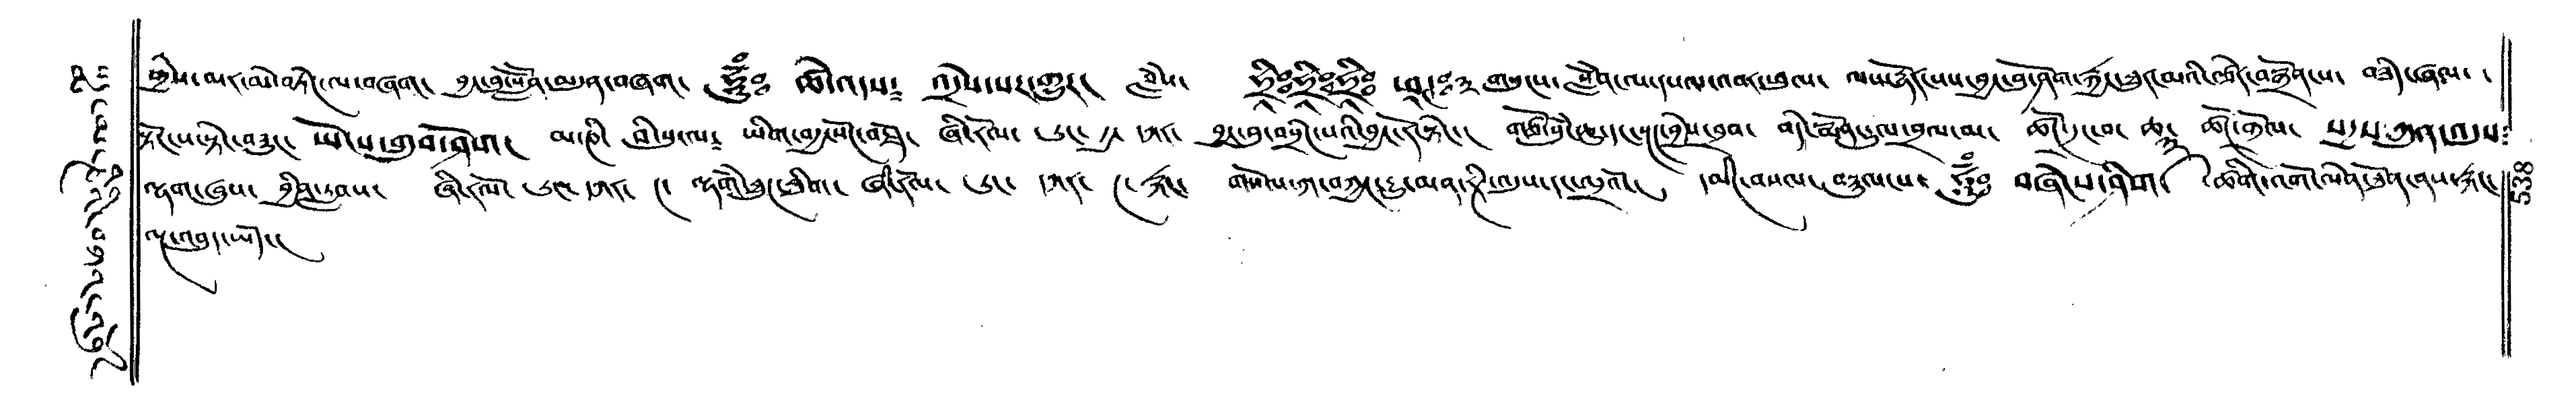༣༣༨༽ གྱིས་མར་མེ་བཏེགས་ལ་གཞག བྱང་བུ་སློབ་དཔོན་མདུན་གཞག ཧཱུྃཿ ཚེ་འདས༴ འདྲེས་པར་གྱུར། བླ་མས། ཧྲཱིཿཧྲཱིཿཧྲཱིཿཕཊཿ གསུམ་གསུང་། སློབ་དཔོན་ལ་དཔལ་འབར་ཕུལ། ལས་རྡོར་པས་བྱང་བུ་ཤོག་རྐྱང་ཐུར་མའི་རྩེར་བསྒྲོན་པ། བཟེད་ཞལ་
སྟོང་པའི་སྟེང་གཟུང་། ཡོངས་གྲུབ་ཤོག མ་ཎི། པི་པུ་ལ༴ ཡིག་བརྒྱ་སོགས་བརྗོད། ཞི་རོལ། དུང་། རྒྱ། དཀར། བྱང་བུ་བསྲེགས་པའི་བྱང་རོ་སྟེང་། གཙོ་བུམ་ཆུ་དང་སྔགས་བྱེས་བྲབ། བདེ་སྨོན་རྡུལ་བྲལ་མ། ཚོགས་དྲང་བ། ཆ་གསུམ། ཚོགས་གྲོལ། སངས་རྒྱས་ཀུན་འདུས༴ 
ལྷག་ཞུས། བྱིན་རླབས། ཞི་རོལ། དུང་། དཀར། ཌཱ། ལྷག་མ་ཐུགས་ཐིག་ལྟར། ཞི་རོལ། དུང་། དཀར། ཌཱ། རྐང་། གསོལ་ཀ་བཀྱག་རྒྱུ་མན་རིག་འདུས་དང་འདྲའོ། དམིགས་བསལ་བསྐུལ་པ། ཧཱུྃཿ བཞེངས་ཤིག༴ ཚིག་འགོ་ལེན་མ་ཐག་ནས་རྐང་
ལྔ་འབུད་སྲོལ་ཡོད།། དགེའོ།།